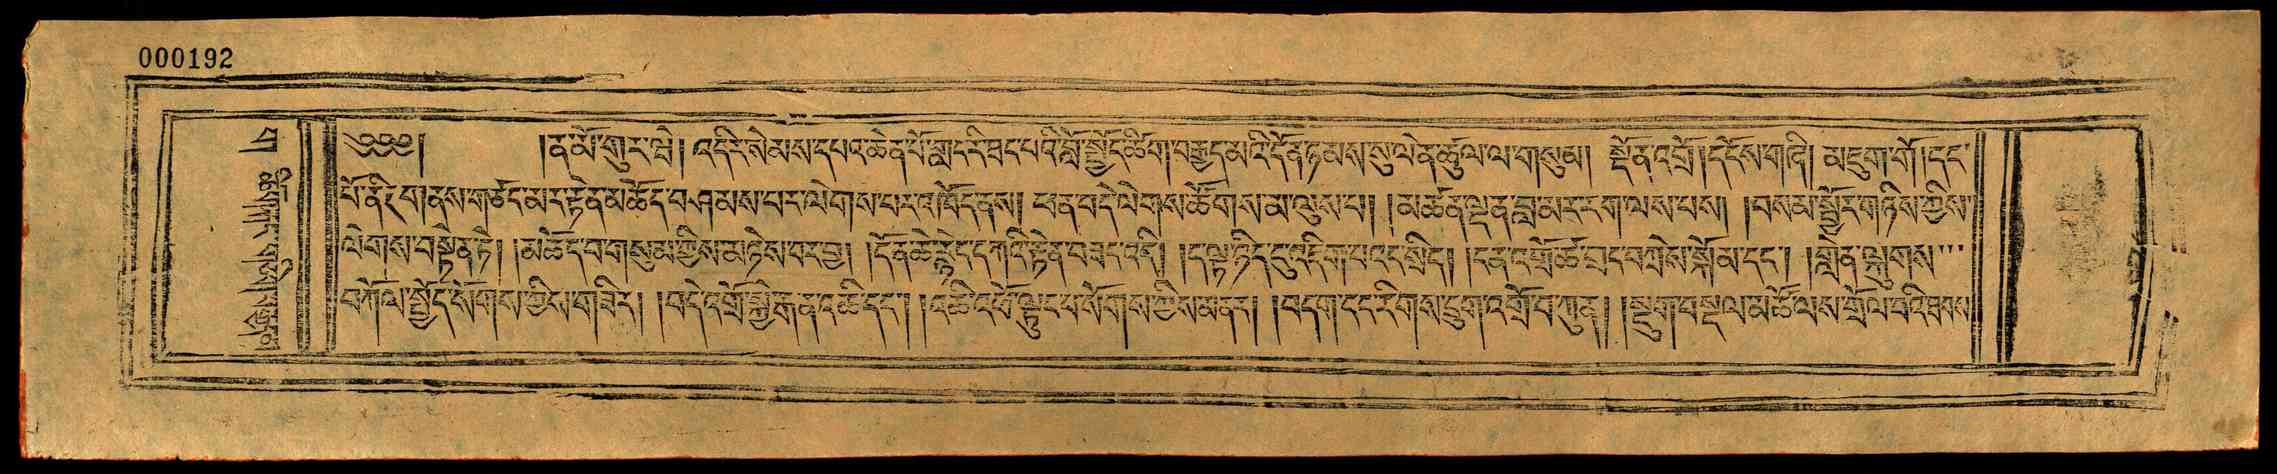༄༅། །ན་མོ་གུ་ར་ཝེ། འདིར་སེམས་དཔའ་ཆེན་པོ་གླང་རི་ཐང་པའི་བློ་སྦྱོང་ཚིག་བརྒྱད་མའི་དོན་ཉམས་སུ་ལེན་ཚུལ་ལ་གསུམ། སྔོན་འགྲོ་།དངོས་གཞི། མཇུག་གོ །དང་
པོ་ནི། གནས་གཙང་མར་རྟེན་མཆོད་བཤམས་པར་ལེགས་པར་འཁོད་ནས། ཕན་བདེ་ལེགས་ཚོགས་མ་ལུས་པ། །མཚན་ལྡན་བླ་མར་རག་ལས་པས། །བསམ་སྦྱོར་གཉིས་ཀྱིས་
ལེགས་བསྟེན་ཏེ། །མཆོད་པ་གསུམ་གྱིས་མཉེས་པར་བྱ། །དོན་ཆེ་རྙེད་དཀའི་རྟེན་བཟང་འདི། །ད་ལྟ་ཉིད་དུ་འཇིག་པའང་སྲིད། །ངན་འགྲོ་ཚ་གྲང་བཀྲེས་སྐོམ་དང་། །གླེན་ལྐུགས་
བཀོལ་སྤྱོད་སོགས་ཀྱིས་གཟིར། །བདེ་འགྲོ་སྐྱེ་རྒ་ན་འཆི་དང་། །འཆི་འཕོ་ལྟུང་བ་སོགས་ཀྱིས་མནར། །བདག་དང་རིགས་དྲུག་འགྲོ་བ་ཀུན། །སྡུག་བསྔལ་མཚོ་ལས་གྲོལ་བའི་ཐབས་